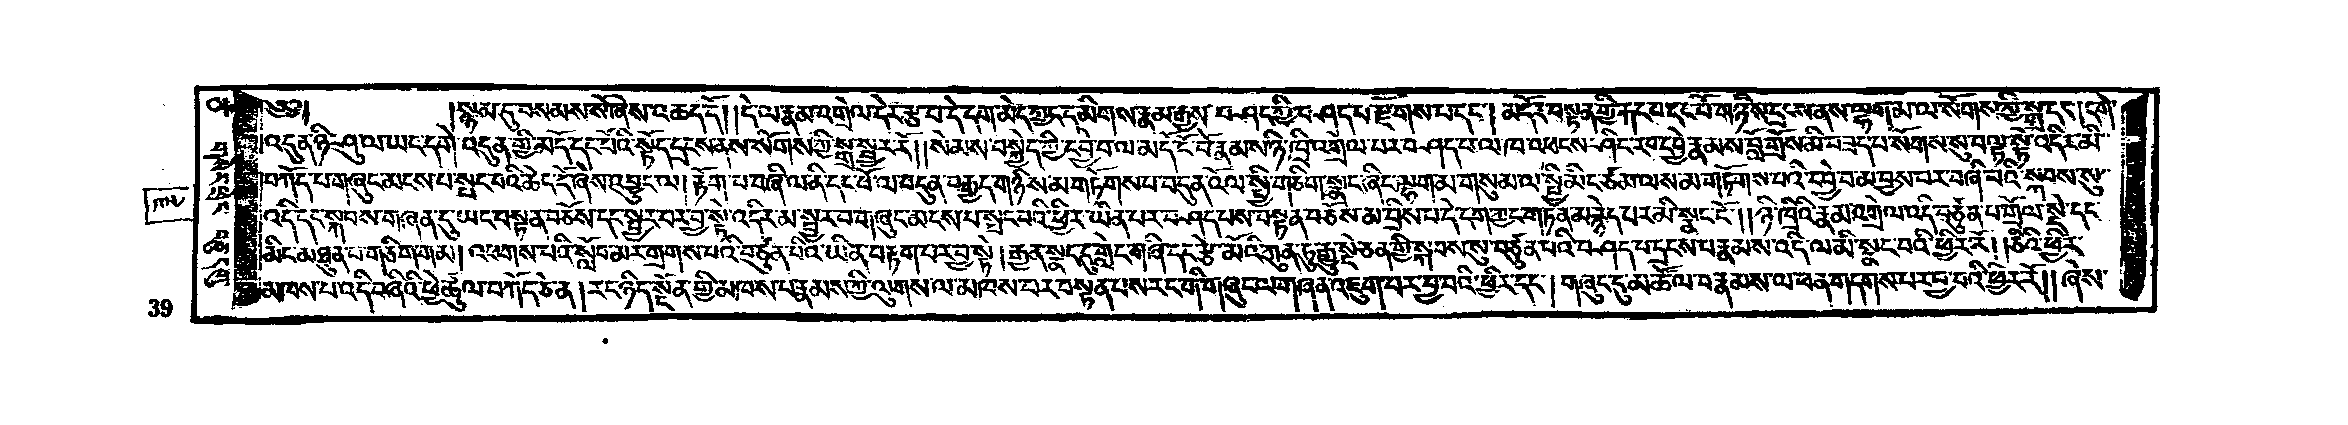༄༅། །སྙམ་དུ་བསམས་སོ་ཞེས་འཆད་དོ། །དེ་ལ་རྣམ་འགྲེལ་དེར་རྩ་བ་དེ་དག་མེད་ཀྱང་དམིགས་རྣམ་རྒྱས་བཤད་ཀྱི་བཤད་པ་རྫོགས་པ་དང་། མདོར་བསྟན་གྱི་རྐང་པ་དང་པོ་གཉིས་དྲངས་ནས་ལྷག་མ་ལ་སོགས་ཀྱི་སྒྲ་དང་། དགེ་
འདུན་ཉི་ཤུ་ལ་ཡང་དགེ་འདུན་གྱི་མདོ་དང་པོའི་སྟོད་དྲངས་ནས་སོགས་ཀྱི་སྒྲ་སྦྱར་རོ། །སེམས་བསྐྱེད་ཀྱི་དབྱེ་བ་ལ་མདོ་ངོ་བོ་རྣམས་ཉི་ཁྲི་འགྲེལ་པར་བཤད་པ་ལ་ཁ་འཕངས་ཤིང་རབ་དབྱེ་རྣམས་བློ་གྲོས་མི་བཟད་པ་སོགས་སུ་བལྟ་སྟེ་འདིར་མི་
བཀོད་པ་གཞུང་མངས་པ་སྤང་བའི་ཆེད་དོ་ཞེས་འབྱུང་ལ། རྟོག་པ་བཞི་ལ་ནི་དང་པོ་ལ་བདུན་བརྒྱད་གཉིས་མ་གཏོགས་པ་བདུན་འོལ་སྤྱི་གཅིག་སྣང་ཞིང་ལྷག་མ་གསུམ་ལ་སྤྱི་མིང་ཙམ་ལས་མ་གཏོགས་པའི་དབྱེ་བ་མ་བྱས་པར་བཞི་པའི་སྐབས་སུ་
འདི་དང་སྐབས་གཞན་དུ་ཡང་བསྟན་བཅོས་དང་སྦྱར་བར་བྱ་སྟེ་འདིར་མ་སྦྱར་བ་གཞུང་མངས་པ་སྤང་བའི་ཕྱིར་ཡིན་པར་བཤད་པས་བསྟན་བཅོས་མ་བྲིས་པ་དེ་དག་ཀྱང་གཏན་མ་རྙེད་པར་མི་སྣང་ངོ། །ཉི་ཁྲིའི་རྣམ་འགྲེལ་འདི་བཙུན་པ་གྲོལ་སྡེ་དང་
མིང་མཐུན་པ་གཅིག་གམ། འཕགས་པའི་སློབ་མར་གྲགས་པའི་བཙུན་པའི་ཡིན་བརྟག་པར་བྱ་སྟེ། རྒྱན་སྣང་དུ་གླེང་གཞི་དང་རྩེ་མོའི་ཀུན་ཏུ་རྒྱུ་སྡེ་ཅན་གྱི་སྐབས་སུ་བཙུན་པའི་བཤད་པ་དྲངས་པ་རྣམས་འདི་ལ་མི་སྣང་བའི་ཕྱིར་རོ། །ཅིའི་ཕྱིར་
མཁས་པ་འདི་བཞིའི་ཕྱེ་ཚུལ་བཀོད་ཅེ་ན། རང་ཉིད་སྔོན་གྱི་མཁས་པ་རྣམས་ཀྱི་ལུགས་ལ་མཁས་པར་བསྟན་པས་རང་གི་གཞུ་བ་ལ་གཞན་འཇུག་པར་བྱ་བའི་ཕྱིར་དང་། གཞུང་དུ་མ་ཚོལ་བ་རྣམས་ལ་ཕན་གདོགས་པར་བྱ་བའི་ཕྱིར་རོ། །ཞེས་